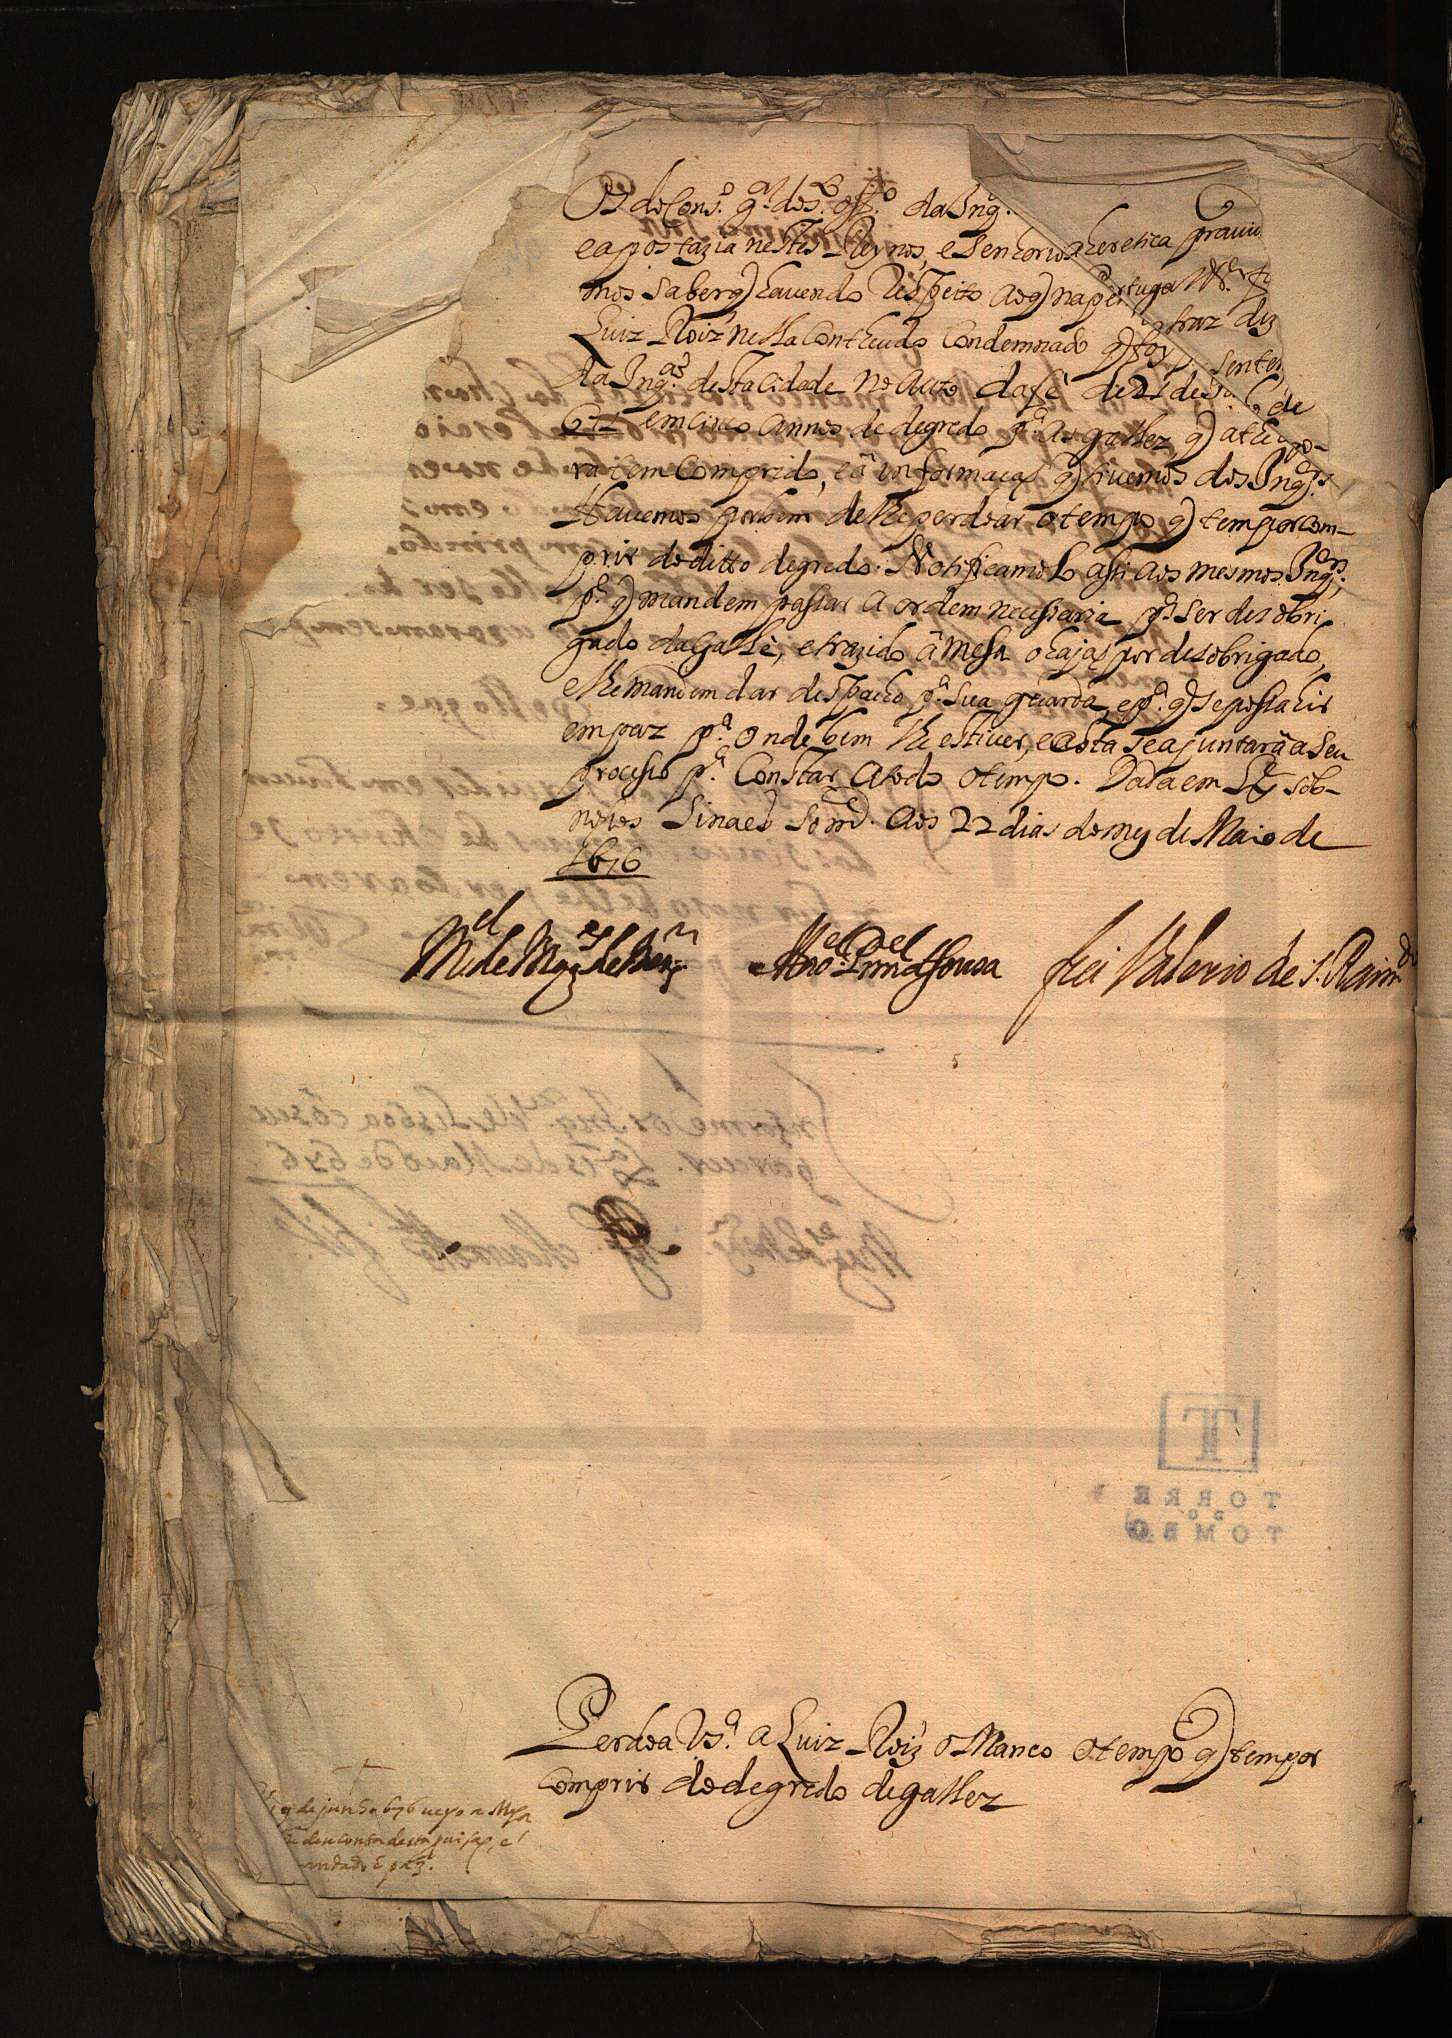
Os do Cons.o g.al do s.to off.o da Inq.
e apostazia nestes Reynos, e Senhorio_ _ a heretica prauid
mos saber q̄ hauendo Respeito ao q̄ na pe
rtugal &a fa
Luiz Roiz̄ nella contheudo condemnado q̄ foy
traz diz
da Inq.çaõ desta cidade no Auto da fè de 21 de S
senten
671 em cinco annos de degredo p.a as gallez q̄ athe
de
ra tem comprido, e â informaçaõ q̄ tiuemos dos Inq.ors
Hauemos por bem de lhe perdoar o tempo q̄ tem por com
prir do ditto degredo. NotificamoLo assi aos mesmos Inqors;
p.a q̄ mandem passar a ordem necessaria p.a ser desobri
gado da Gallè, e trazido â mesa o hajaõ por desobrigado,
e lhe mandem dar despacho p.a sua guarda, e p.a q̄ se possa hir
em paz p.a onde bem lhe estiuer, e esta se ajuntarâ a seu
processo p.a constar a todo o tempo. Dada em Lxa sob -
nossos sinaes somte. aos 22 dias do mes de Maio de
1676
Perdoa Vs.a a Luiz Roiz̄ o Manco o tempo q̄ tem por
comprir do degredo de gallez
19 de junho 676 ueyo a Mesa,
deu conta desta ꝓuisaõ, e
andado ē paz.
